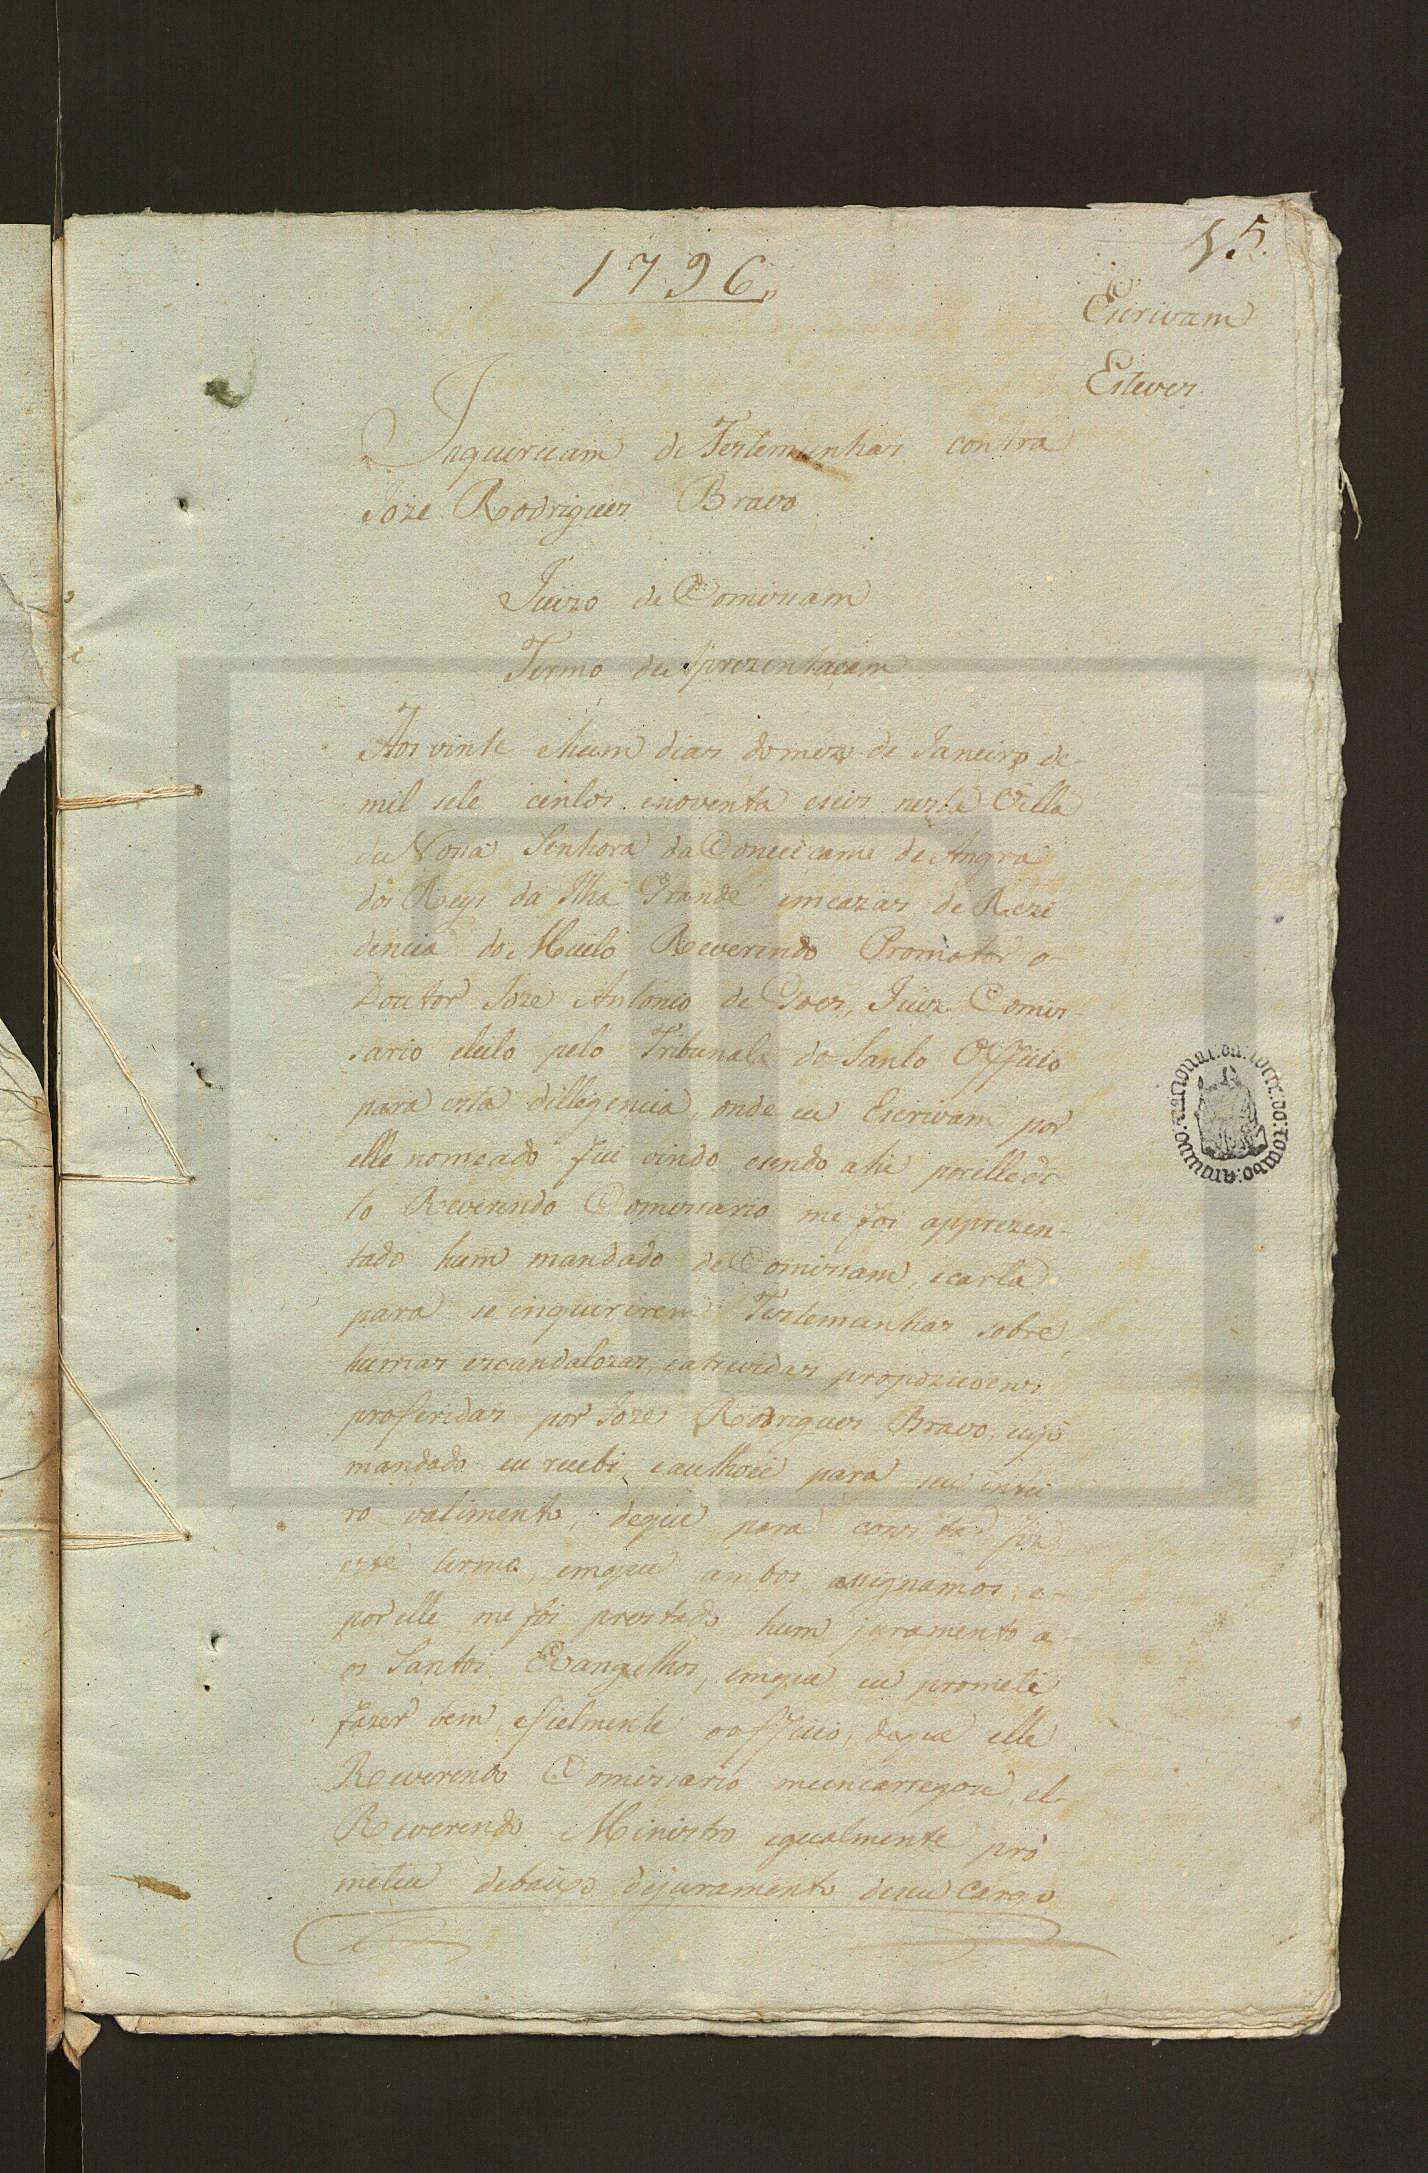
15
1796
Escrivam
Esteves
Inquiriçam de Testemunhas contra
Ioze Rodriguez Bravo
Iuizo de Comissam
Termo de Aprezentaçam
Aos vinte e hum dias do mez de Ianeiro de
mil setecentos e noventa e seiz nesta Villa
de Nossa Senhora da Conceiçam de Angra
dos Reys da Ilha Grande em cazas de Rezi
dencia do Muito Reverendo Promotor o
Doutor Ioze Antonio de Goes, Iuiz Comis
sario eleito pelo Tribunal do santo Officio
para esta dilligencia, onde eu Escrivam por
elle nomeado fui vindo e sendo ahi por elle di
to Reverendo Comissario me foi apprezen
tado hum mandado de Comissam, e carta
para se inquirirem Testemunhas sobre
humas escandalozas, e atrevidas propoziçoens
proferidas por Ioze Rodrigues Bravo, cujo
mandado eu recebi e authoei para seu intei
ro valimento, de que para conztar fiz
este termo, em que ambos assignamos e
por elle me foi prestado hum juramento a
os santos Evangelhos, em que eu promete
fazer bem e fielmente o officio, de que elle
Reverendo Comissario me encarregou, el
Reverendo Miniztro igualmente pro
meteu debaixo de juramento de seu cargo
